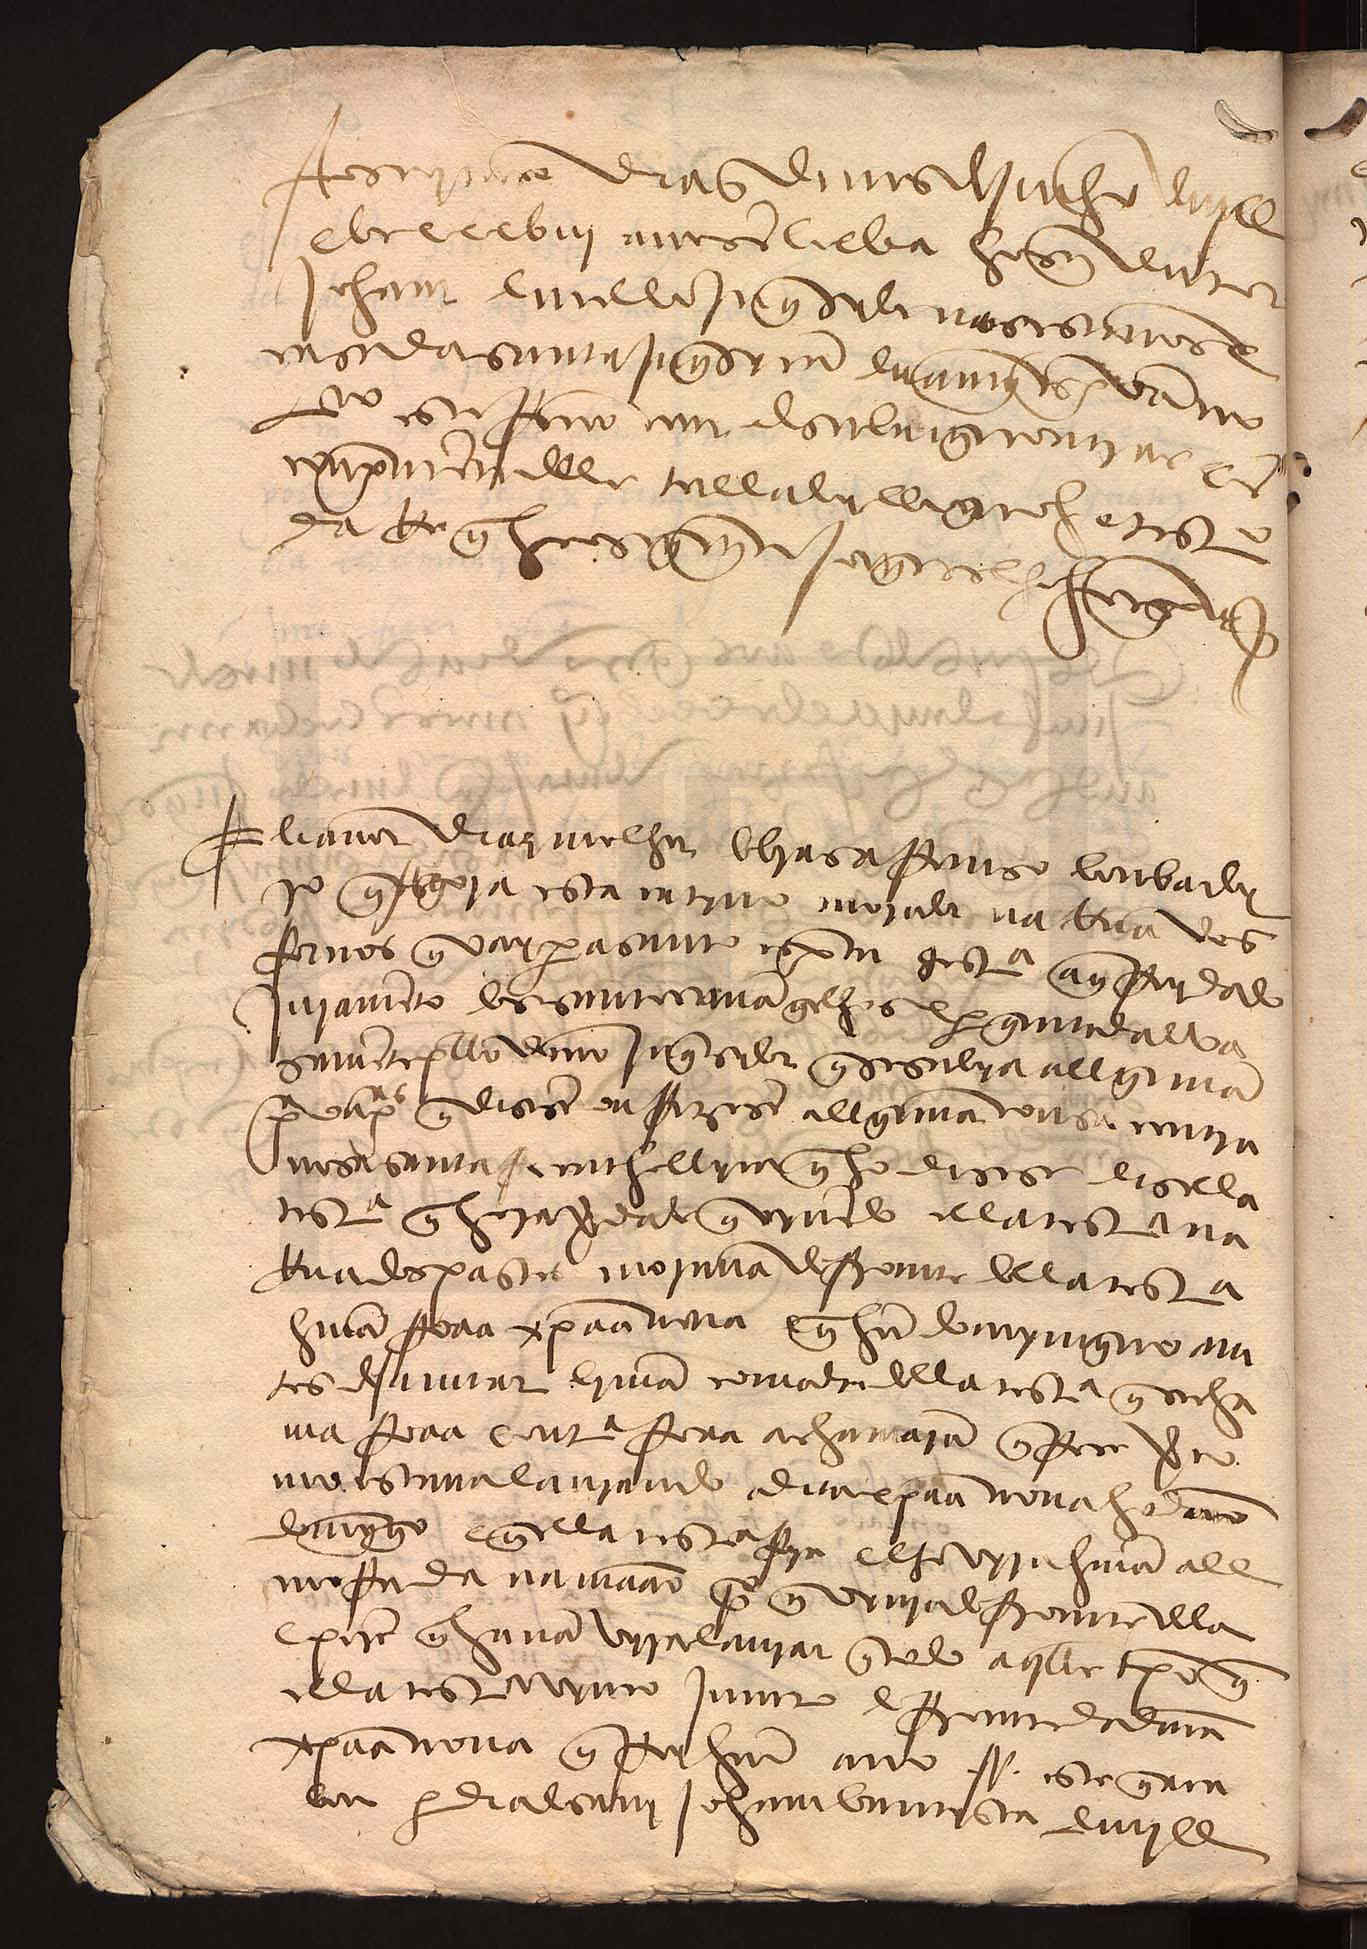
Aos cymco dias do mes de Junho de mjll
e bc xxxbiij anos ē lixboa ho s̄or doutor
Joham de mello Jnq̄sydor nos estaos e
casa da santa Jnq̄syçā deu a mȳ esp̄vā no
tro este feito com desembarguo atras e ē
conp̄mēto delle trelladey lloguo ho testo
da Re q̄ he o seguj̄te Jorge coelho ho esp̄vy
item lianor diaz molher de bras afomso bonbardey
ro q̄ agora esta catyuo morador na Rua dos
fornos q̄ vay ꝑa santo esp̄tu testa a q̄ foy dado
Juramēto dos santos auāgelhos e ꝑguntada deva
samēte p̄llo dito Jnq̄sydor q̄ se sabya allguma
pa ou pas q̄ disesē ou fizesē allguma cousa contra
nosa santa fe cathollyca q̄ ho disese dise ella
testa q̄ hera ꝟdade q̄ viuēdo ella testa na
Rua dos pastes moraua defromte della testa
huuā foaa xpāa noua e q̄ hū domymguo am
tes do Jamtar huuā comadre della testa q̄ se cha
ma foaa e outa foaa a chamarā q̄ fose ꝟ co
mo estaua laurando a dita xpaā noua ho dito
domȳgo e q̄ ella testa fora e lhe vyra huuā all
mofada na maão p̄oq̄ vyuja defromte dela
e porē q̄ ha nā vyra laurar q̄ todo aq̄lle tp̄o q̄
ella testa vyueo Jumto defromte da dita
xpāa noua q̄ foy huū ano .ss. este q̄ aca
bou ꝑ dia de sam Joham bautysta de mjll
